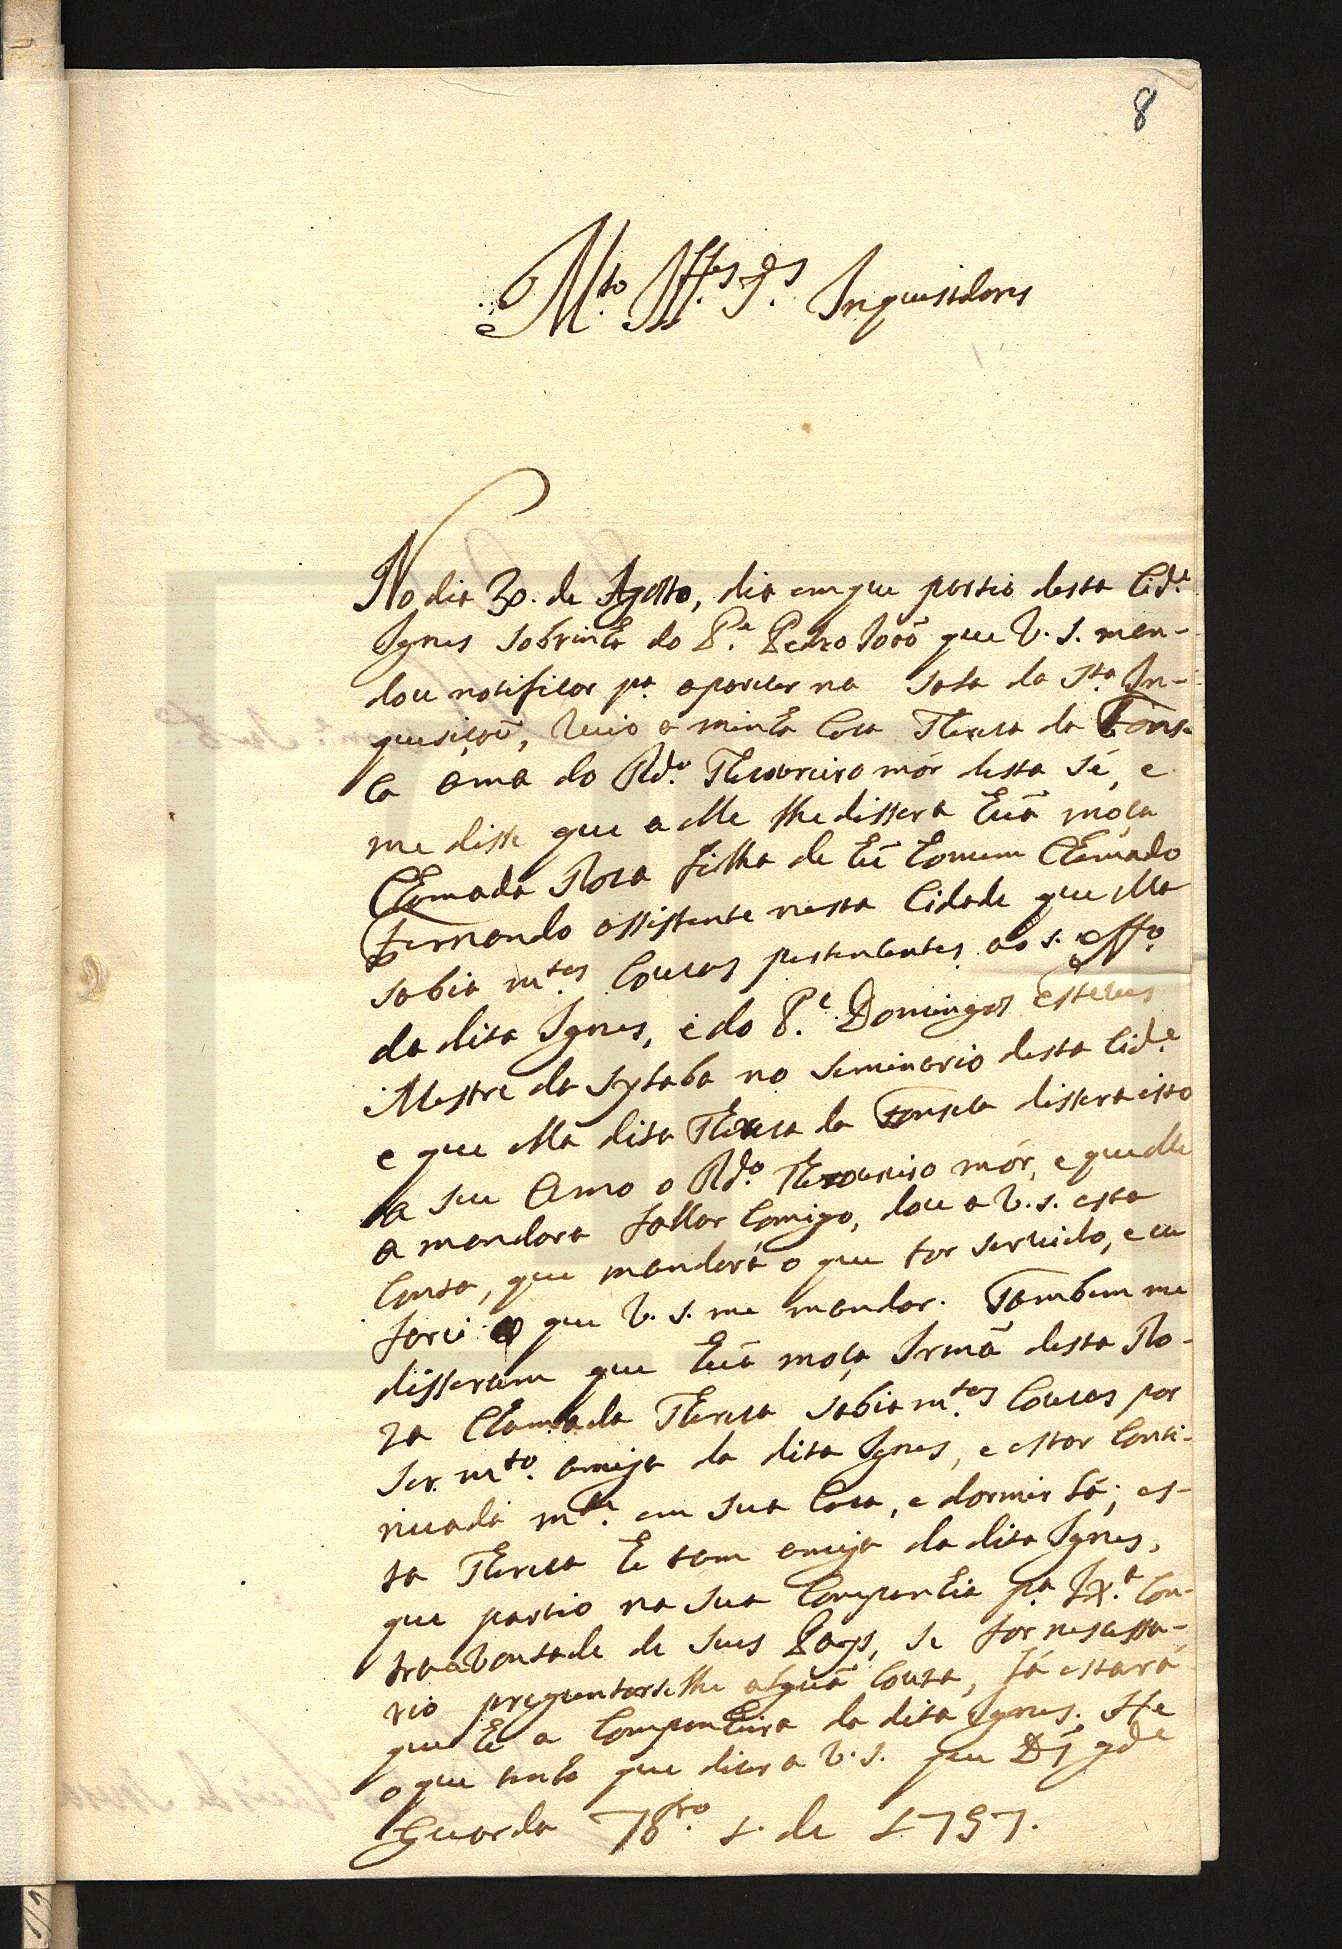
M.to Ill̄.es s.es Inquisidores
No dia 30. de Agosto, dia em que partio desta Cid.e
Ignes sobrinha do P.e Pedro Ioaõ que V. s. man
dou notificar p.a aparecer na sala da Sta In
quisiçaõ, Veio a minha Caza Thereza da Fons
Ca ama do Rd.o Thezovreiro mór desta sé, e
me disse que a elle lhe dissera huā moça
Chamada Roza filha de hū homem Chamado
Fernando assistente nesta Cidade que ella
sabia mtas Couzas pertencentes do s. off.o
da dita Ignes, e do P.e Domingos Esteves
Mestre da Sylaba no seminario desta Cid.e
e que ella dita Thereza da Fonseca dissera isto
a seu Amo o Rd.o Theroureio mór, e que elle
a mandara fallar Comigo, dou a V. s. esta
Conta, que mandará o que for seruido, e eu
farei o que V. s. me mandar. Tambem me
disseram que huā moça Irmã desta Ro
za Chamada Thereza sabia m.tas Couzas por
ser mt.o amiga da dita Ignes, e estar Conti
nuada mto. em sua Caza, e dormir lá; es
ta Thereza he tam amiga da dita Ignes,
que partio na sua Companhia p.a Lx.a Con
tra a vontade de seus Pays, se for nescessa
rio preguntarselhe alguā couza, lá estará
que he a Companheira da dita Ignes; He
o que tenho que dizer a v. s. que Ds̄ gde
Guarda 7bro 1. de 1757.
